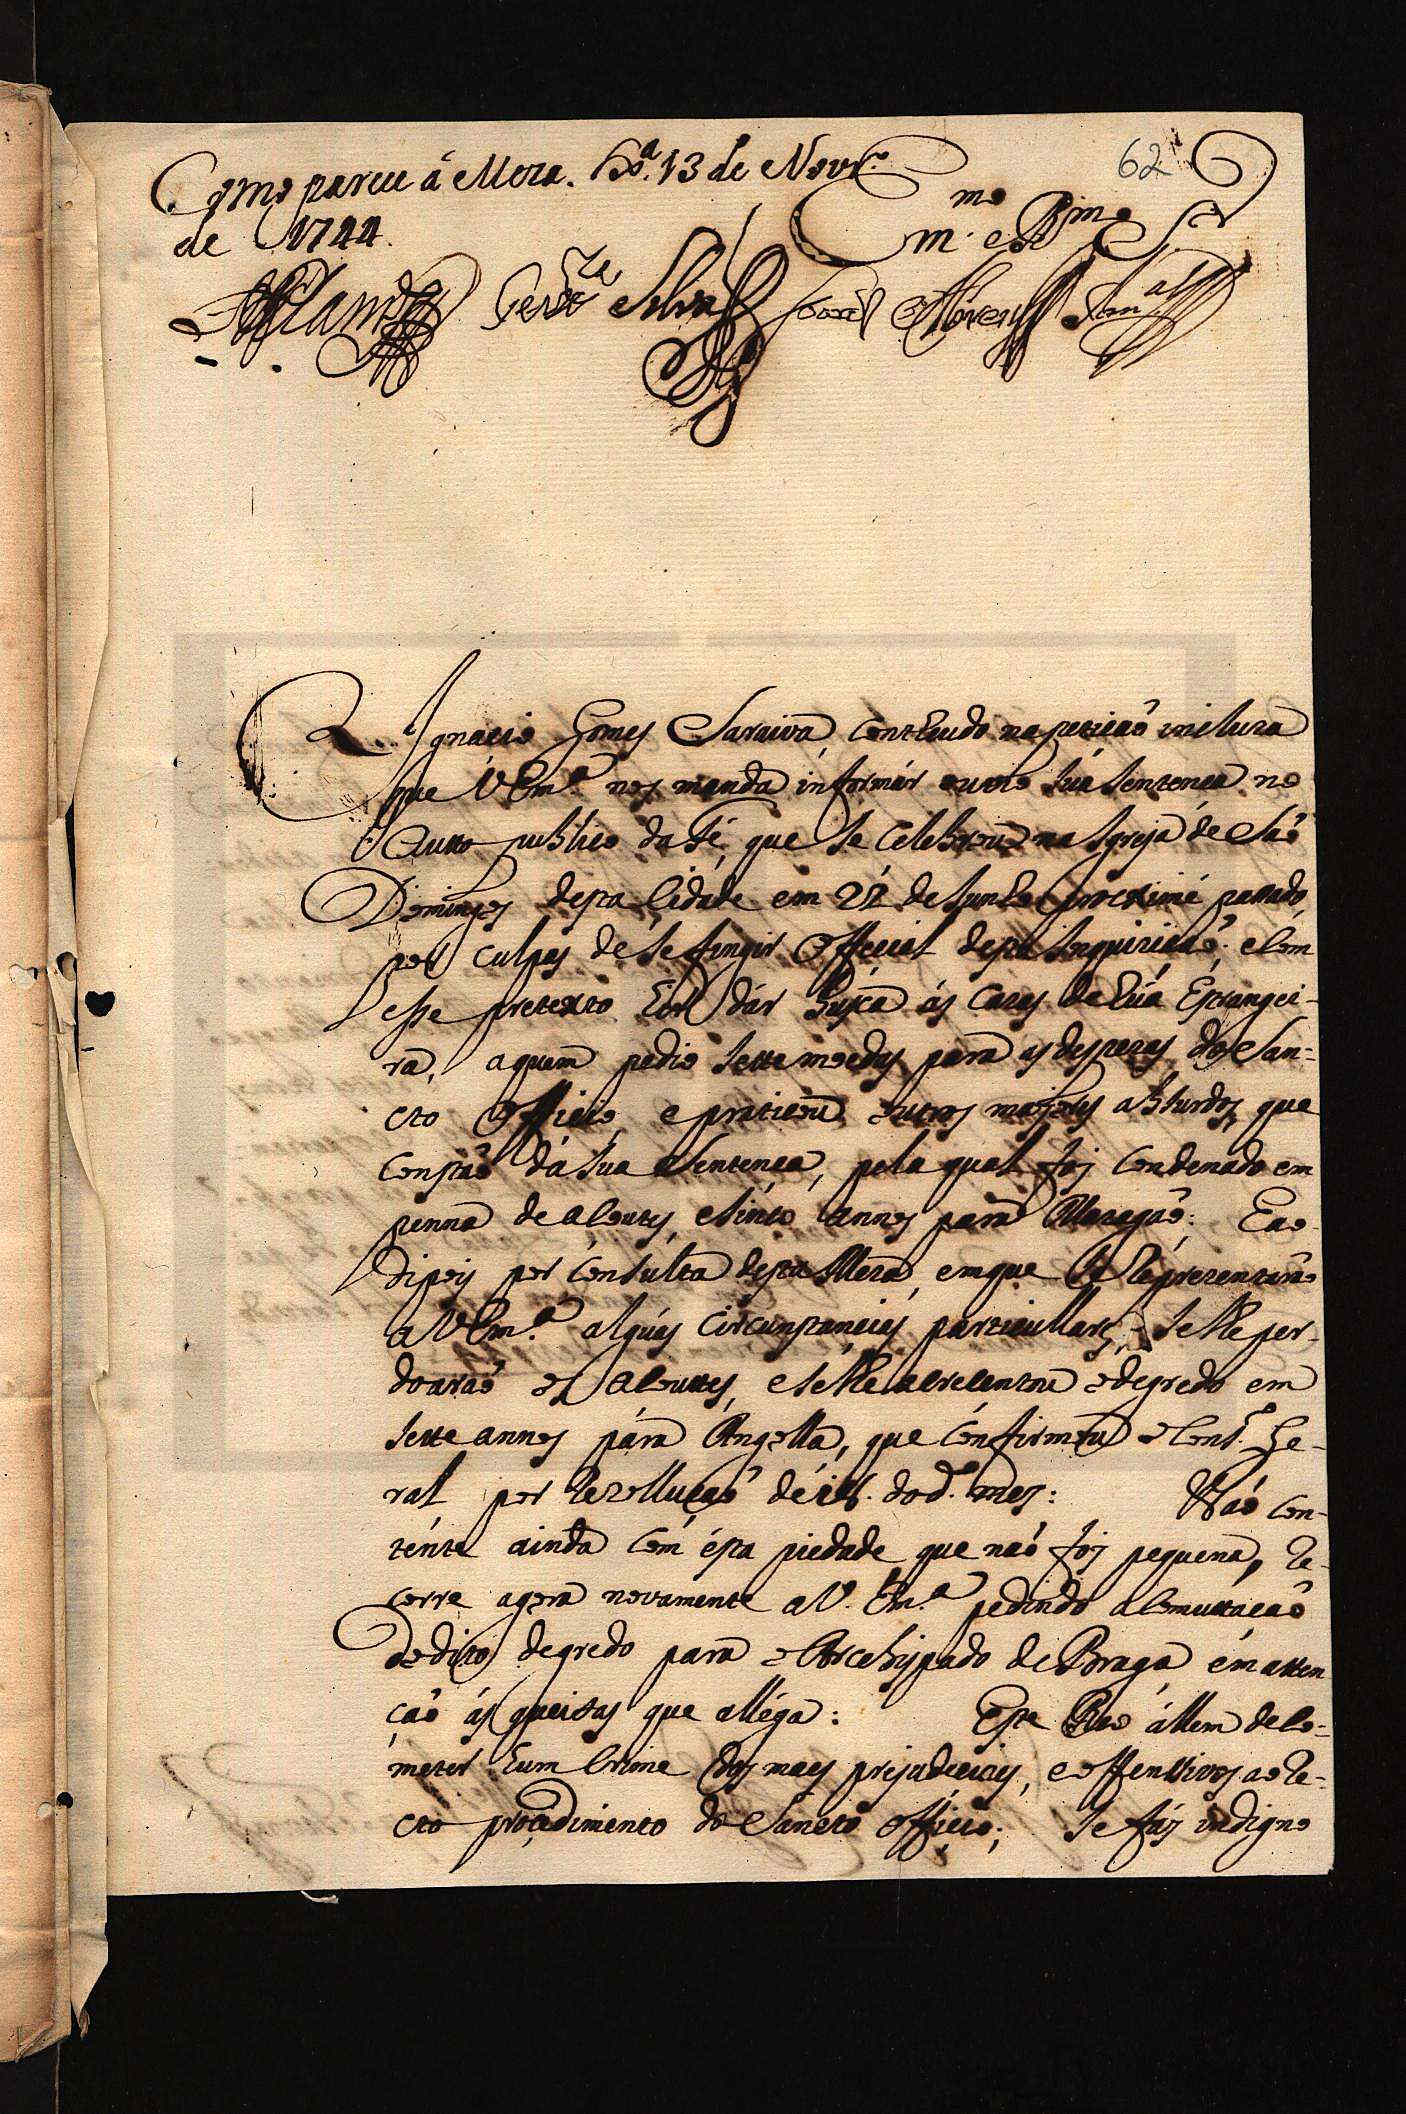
Como parece á Meza. Lx.a 13 de Novr.o
Em.mo e R.mo S.r
de 1744.
Silva
Joaõ Abreu Am.al
Jgnacio Gomes Saraiva, contheudo na petiçaõ incluza
que V Em.a nos manda informar ouvio sua sentença no
Autto publico da Fé, que se celebrou na Igreja de Saõ
Domingos desta Cidade em 22 de Iunho proxime passado,
por culpas de se fingir Offecial desta Inquiziçaõ; e Com
esse pretexto hir dár busca ás cazas de huā Estrangei
ra, a quem pedio sette moedas para as despezas dos San
cto Officio, e praticou outros majores absurdos, que
constão da sua Sentença, pela qual foj condenado em
penna de açoutes, e sinco annos para Mazagaõ: E ao
dipois por consulta desta Meza, em que se Reprezentarão
a V Em.a alguās circunstancias particullares, se lhe per
doaraõ os açouttes, e se lhe acrecentou o degredo em
sette annos para Angolla, que confirmou o Cons.o Ge
ral, por Rezolluçaõ de 18. do d.o mes:
Naõ Con
tente ainda com esta piedade que naõ foj pequena, Re
corre agora novamente a V. Em.a pedindo a Comuttaçaõ
do dito degredo para o Arcebispado de Braga, em atten
çaõ ás queixas que allega:
Este Reo allem de co
meter hum Crime dos maes prejudeciaes, e offenssivos ao Re
cto procedimento do Sancto officio; se fas indigno
